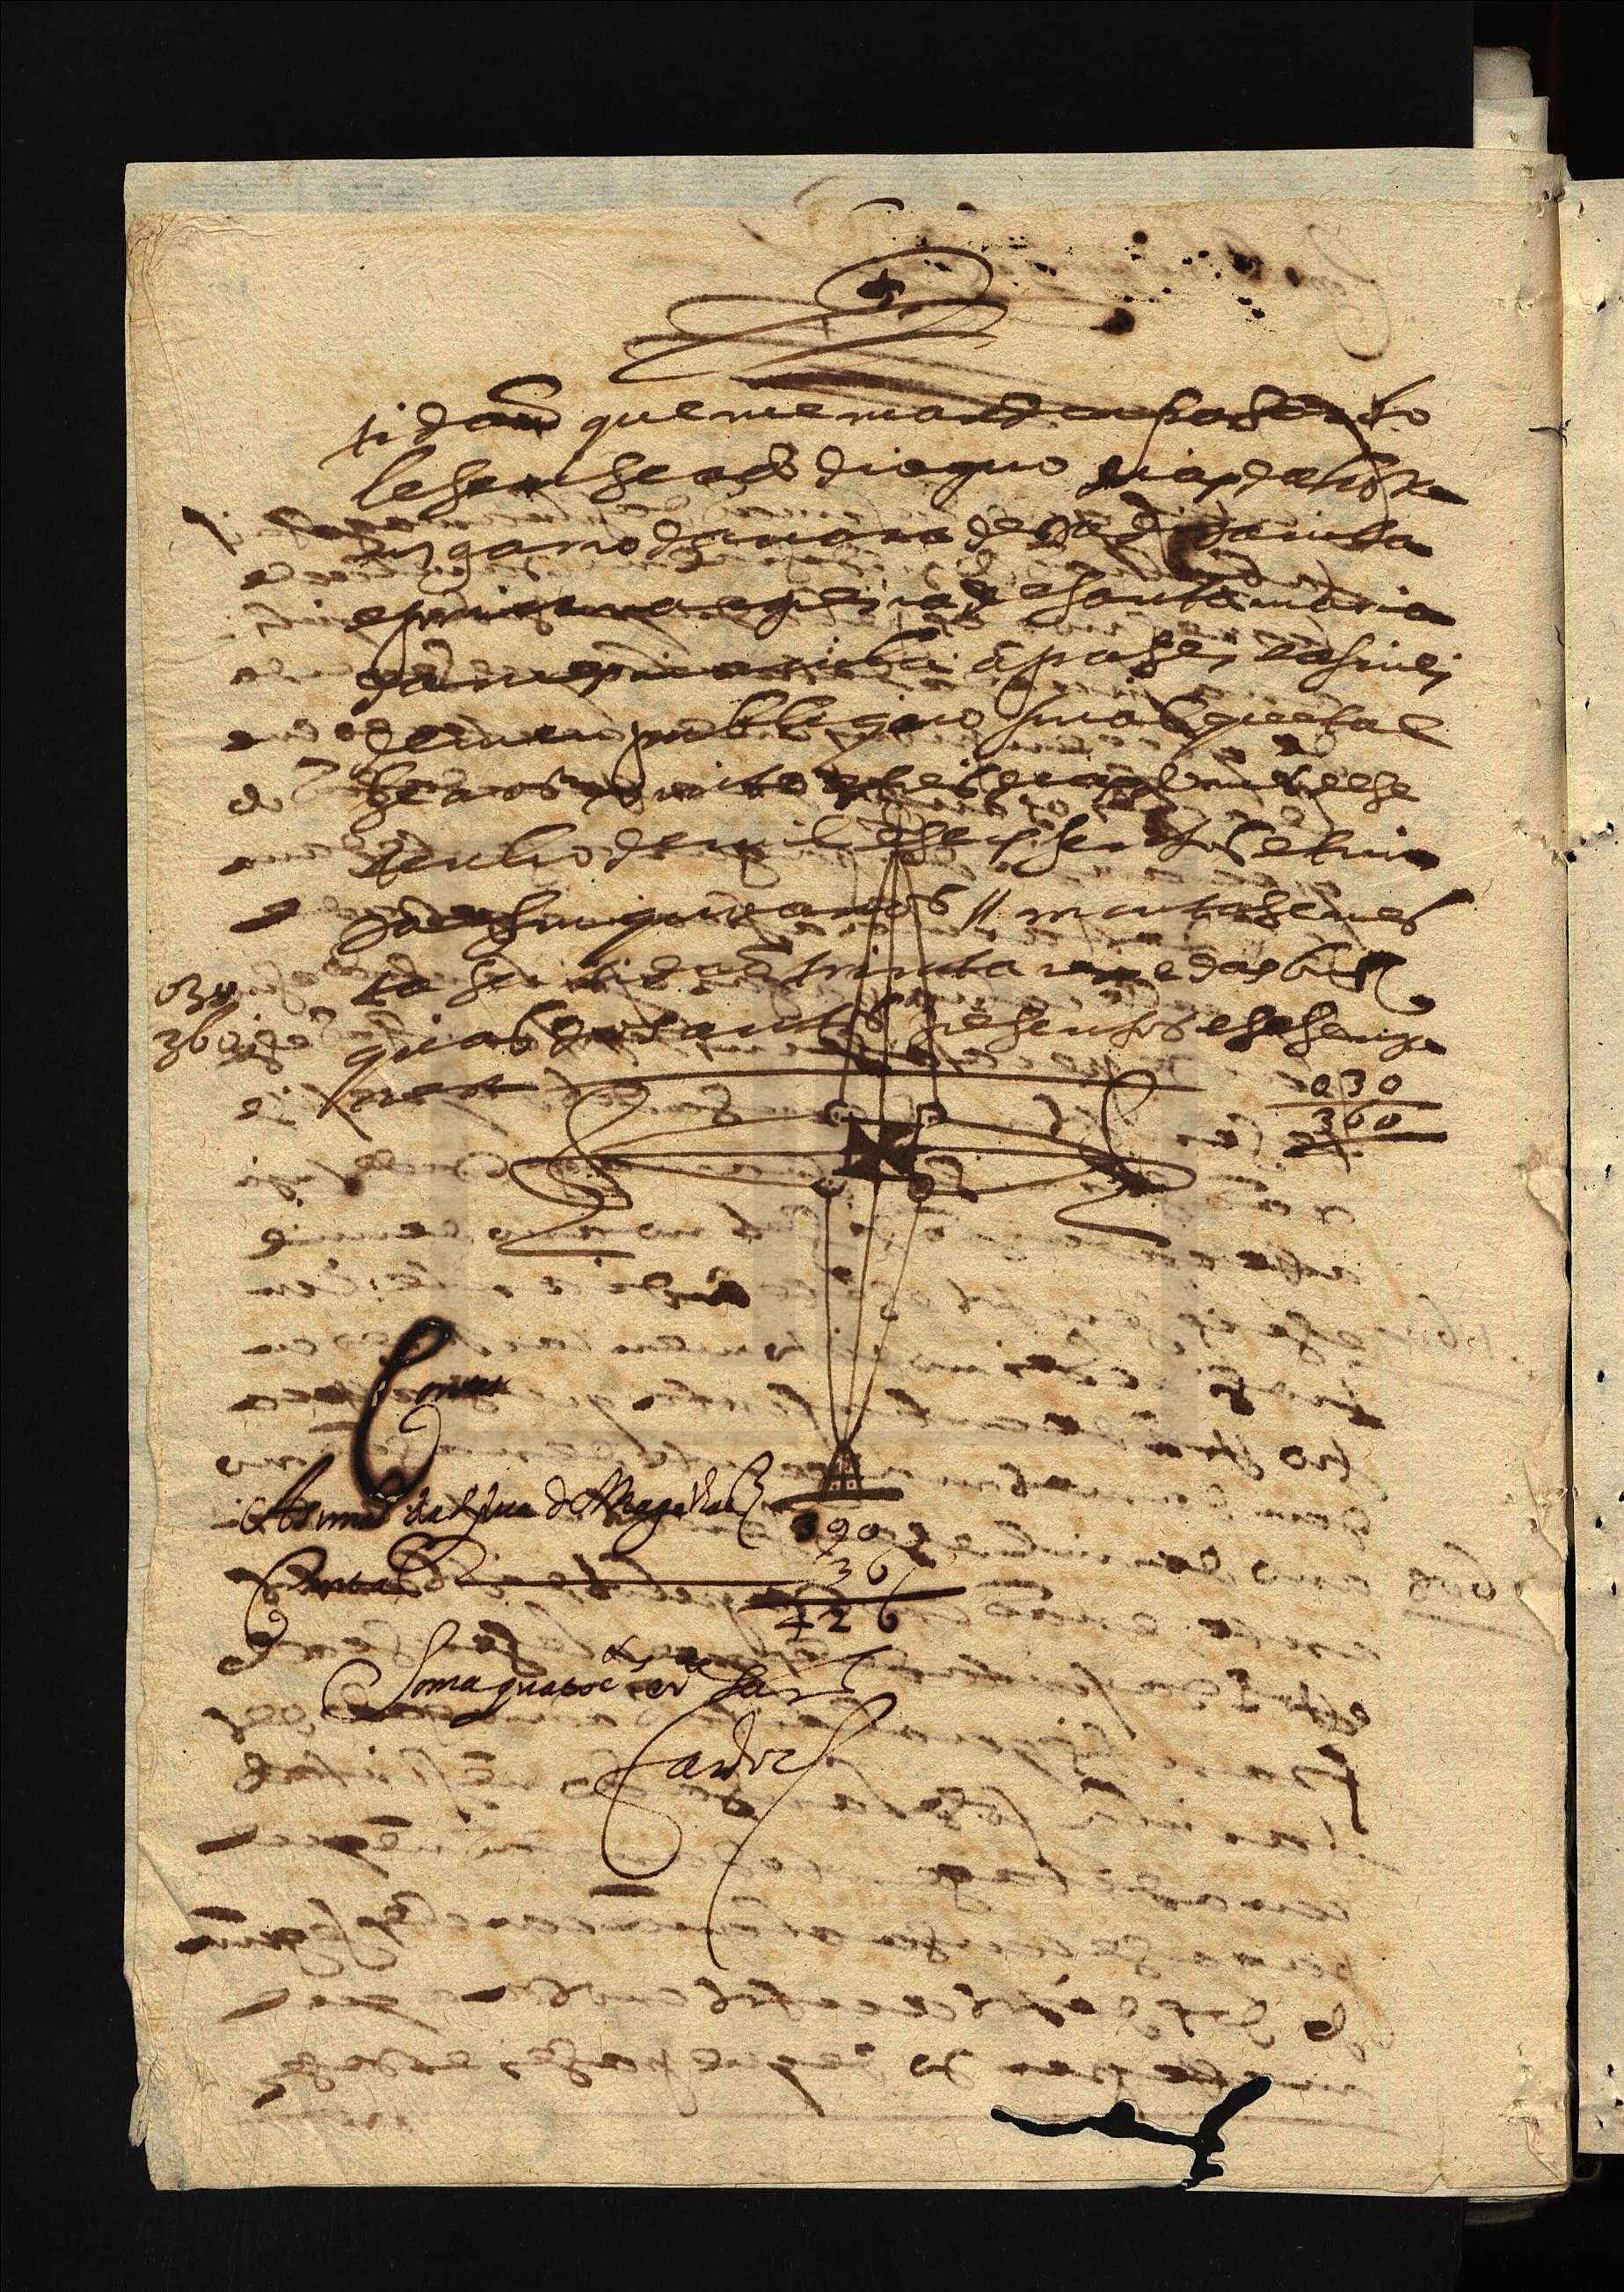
tidaõ que me mandou pasar ho
lesemseado dioguo dias da Costa
uigario da uara desta dita uila
e prior na egreia de santa maria
da mesma uila a pasei e asinej
de meu publiquo sinal que tal
he aos vinte e tres dias do mes de se
tenbro de mil e seissentos e trin
ta e simquo anos // montase nes
ta sertidaõ trinta reis e das bus
quas dos autos tresentos e sesemta
reis
030
360
030
360
Conta
A simaõ da sylua de Magalhaẽs
390
Conta
36
426
Soma quatroctos e vte seis
